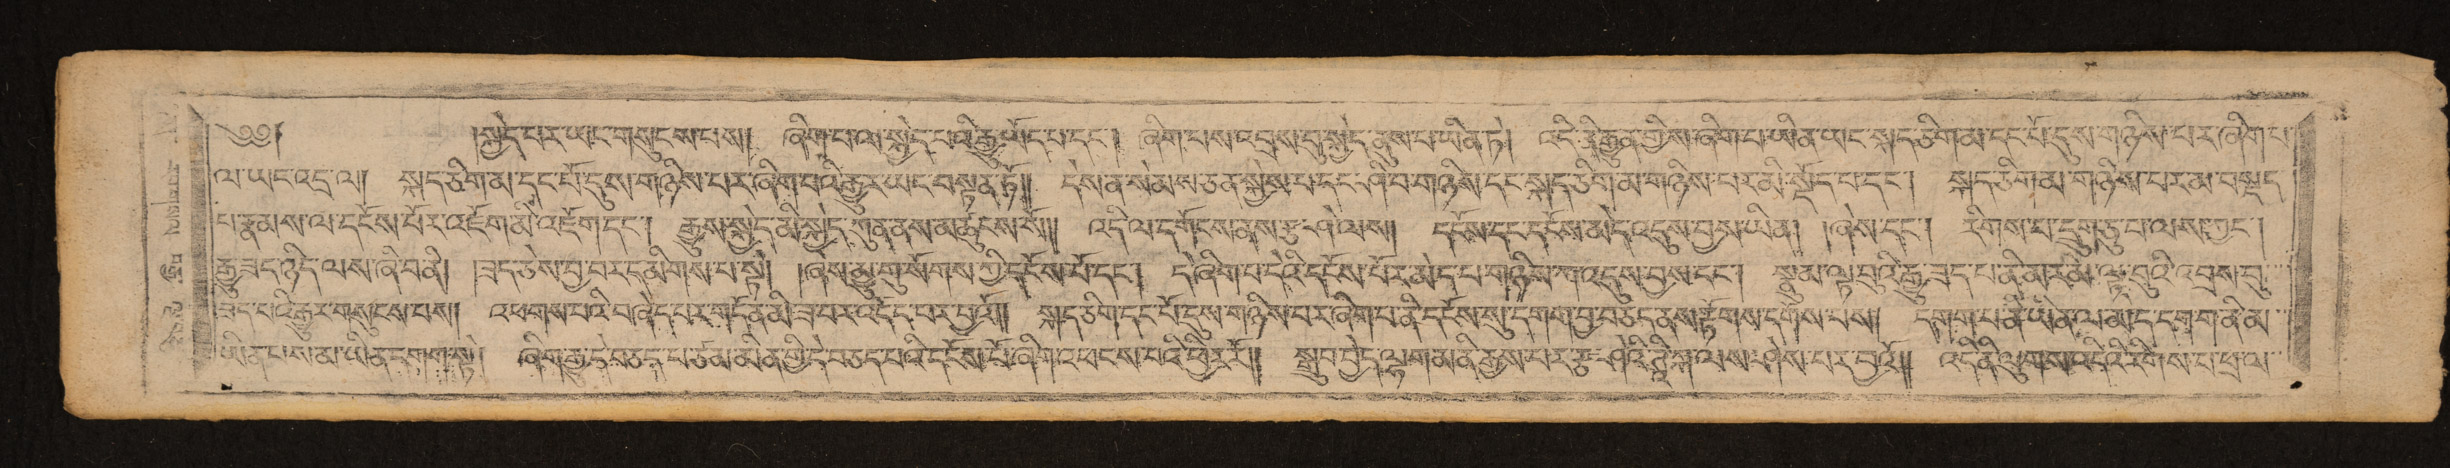༄༅། །སྐྱེད་པར་ཡང་གསུངས་པས། ཞིག་པ་ལ་སྐྱེད་པའི་རྒྱུ་ཡོད་པ་དང་། ཞིག་པས་འབྲས་བུ་སྐྱེད་ནུས་པ་ཡིན་ཏེ། འདི་ནི་རྒྱུན་གྱིས་ཞིག་པ་ཡིན་ཡང་སྐད་ཅིག་མ་དང་པོ་དུས་གཉིས་པར་ཞིག་པ་
ལ་ཡང་འདྲ་ལ། སྐད་ཅིག་མ་དང་པོ་དུས་གཉིས་པར་ཞིག་པའི་རྒྱུར་ཡང་བསྟན་ཏོ།། དེས་ན་སེམས་ཅན་སྐྱེས་པ་དང་ཤི་བ་གཉིས་དང་སྐད་ཅིག་མ་གཉིས་པར་མི་སྡོད་པ་དང་། སྐད་ཅིག་མ་གཉིས་པར་མ་བསྡད་
པ་རྣམས་ལ་དངོས་པོར་འཇོག་མི་འཇོག་དང་། རྒྱུས་སྐྱེད་མི་སྐྱེད་ཀུན་ནས་མཚུངས་སོ།། འདི་ལ་དགོངས་ནས་རྩ་ཤེ་ལས། དངོས་དང་དངོས་མེད་འདུས་བྱས་ཡིན། །ཞེས་དང་། རིགས་པ་དྲུག་ཅུ་པ་ལས་ཀྱང་།
རྒྱུ་ཟད་ཉིད་ལས་ཞི་བ་ནི། །ཟད་ཅེས་བྱ་བར་དམིགས་པ་སྟེ། །ཞེས་མྱུ་གུ་སོགས་ཀྱི་དངོས་པོ་དང་། དེ་ཞིག་པ་དེའི་དངོས་པོར་མེད་པ་གཉིས་ཀ་འདུས་བྱས་དང་། སྣུམ་ལྟ་བུའི་རྒྱུ་ཟད་པ་ནི་མར་མེ་ལྟ་བུའི་འབྲས་བུ་
ཟད་པའི་རྒྱུར་གསུངས་པས། འཕགས་པའི་བཞེད་པར་གདོན་མི་ཟ་བར་འདོད་པར་བྱའོ།། སྐད་ཅིག་དང་པོ་དུས་གཉིས་པར་ཞིག་པ་ནི་དངོས་སུ་དགག་བྱ་བཅད་ནས་རྟོགས་དགོས་པས། དགག་པ་ནི་ཡིན་ལ་མེད་དགག་ནི་མ་
ཡིན་པས་མ་ཡིན་དགག་སྟེ། ཞིག་རྒྱུ་དེ་བཅད་པ་ཙམ་མིན་གྱི་དེ་བཅད་པའི་དངོས་པོ་ཞིག་འཕངས་པའི་ཕྱིར་རོ།། སྒྲུབ་བྱེད་ལྷག་མ་ནི་རྒྱས་པར་རྩ་ཤེའི་ཊཱི་ཀྐ་ལས་ཤེས་པར་བྱའོ།། འདི་ནི་ལུགས་འདིའི་རིགས་པ་ཕྲ་ལ་